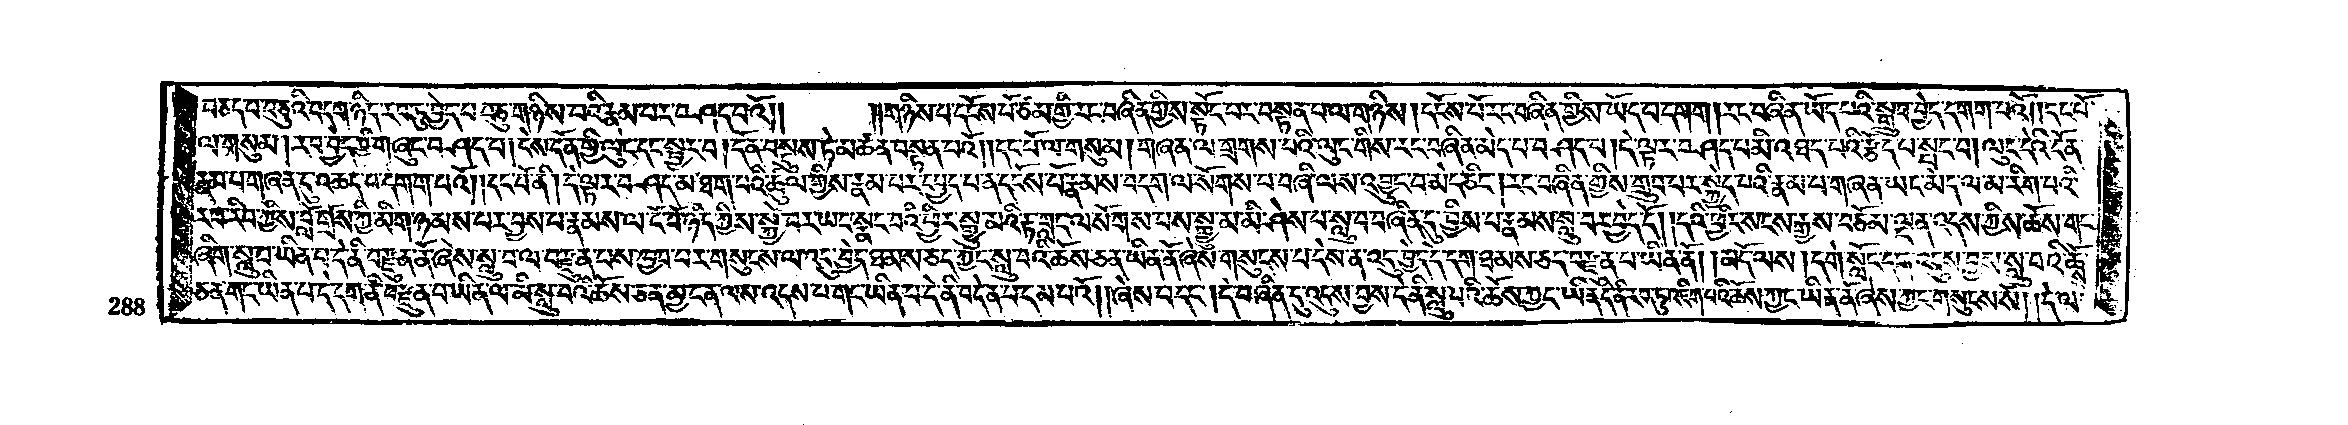བཅད་པ་བཅུའི་བདག་ཉིད་རབ་ཏུ་བྱེད་པ་བཅུ་གཉིས་པའི་རྣམ་པར་བཤད་པའོ།། །།གཉིས་པ་དངོས་པོ་ཙམ་གྱི་རང་བཞིན་གྱིས་སྟང་པར་བསྟན་པ་ལ་གཉིས། དངོས་པ་རང་བཞིན་གྱིས་ཡད་པ་དགག །རང་བཞིན་ཡོད་པའི་སྒྲུབ་བྱེད་དགག་པའོ། །དང་པོ་
ལ་གསུམ། རབ་བྱེད་ཀྱི་གཞུང་བཤད་པ། དེས་དོན་གྱི་ལུང་དང་སྦྱར་བ། དོན་བསྡུས་ཏེ་མཚན་བསྟན་པའོ། །དང་པོ་ལ་གསུམ། གཞན་ལ་གྲགས་པའི་ལུང་གིས་རང་བཞིན་མེད་པ་བཤད་པ། དེ་ལྟར་བཤད་པ་མི་འཐད་པའི་རྩོད་པ་སྤང་བ། ལུང་དེའི་དོན་
རྣམ་པ་གཞན་དུ་འཆད་པ་དགག་པའོ། །དང་པོ་ནི། དེ་ལྟར་བཤད་མ་ཐག་པའི་ཚུལ་གྱིས་རྣམ་པར་དཔྱད་པ་ན་དངོས་པོ་རྣམས་བདག་ལ་སོགས་པ་བཞི་ལས་འབྱུང་བ་མེད་ཅིང་། རང་བཞིན་གྱིས་གྲུབ་པར་སྐྱེད་པའི་རྣམ་པ་གཞན་ཡང་མེད་ལ་མ་རིག་པའི་
རབ་རིབ་ཀྱིས་བློ་གྲོས་ཀྱི་མིག་ཉམས་པར་བྱས་པ་རྣམས་ལ་ངོ་བོ་ཉིད་ཀྱིས་སྐྱེ་བར་ཡང་སྣང་བའི་ཕྱིར་སྒྱུ་མའི་རྟ་གླང་ལ་སོགས་པས་སྒྱུ་མ་མི་ཤེས་པ་སླུ་བ་བཞིན་དུ་བྱིས་པ་རྣམས་སླུ་བར་བྱད་དོ། །དའི་ཕྱིར་སངས་རྒྱས་བཅོམ་ལྡན་འདས་ཀྱིས་ཆོས་གང་
ཞིག་སླུ་བ་ཡིན་པ་དེ་ནི་བརྫུན་ནི་ཞེས་སླུ་བ་ལ་བརྫུན་པས་ཁྱབ་པར་གསུངས་ལ་འདུ་བྱེད་ཐམས་ཅད་ཀྱང་སླུ་བའི་ཆོས་ཅན་ཡིན་ནོ་ཞེས་གསུངས་པ་དེས་ན་འདུ་བྱེད་དེ་དག་ཐམས་ཅད་བརྫུན་པ་ཡིན་ནོ། །མདོ་ལས། དགེ་སློང་དག་འདུས་བྱས་སླུ་བའི་ཆོས་
ཅན་གང་ཡིན་པ་དེ་དག་ནི་བརྫུན་པ་ཡིན་ལ་མི་སླུ་བའི་ཆོས་ཅན་མྱ་ངན་ལས་འདས་པ་གང་ཡིན་པ་དེ་ནི་བདེན་པ་དམ་པའོ། །ཞེས་པ་དང་། དེ་བཞིན་དུ་འདུས་བྱས་དེ་ནི་སླུ་བའི་ཆོས་ཀྱང་ཡིན་དེ་ནི་རབ་ཏུ་འཇིག་པའི་ཆོས་ཀྱང་ཡིན་ནོ་ཞེས་ཀྱང་གསུངས་སོ། །དེ་ལ་